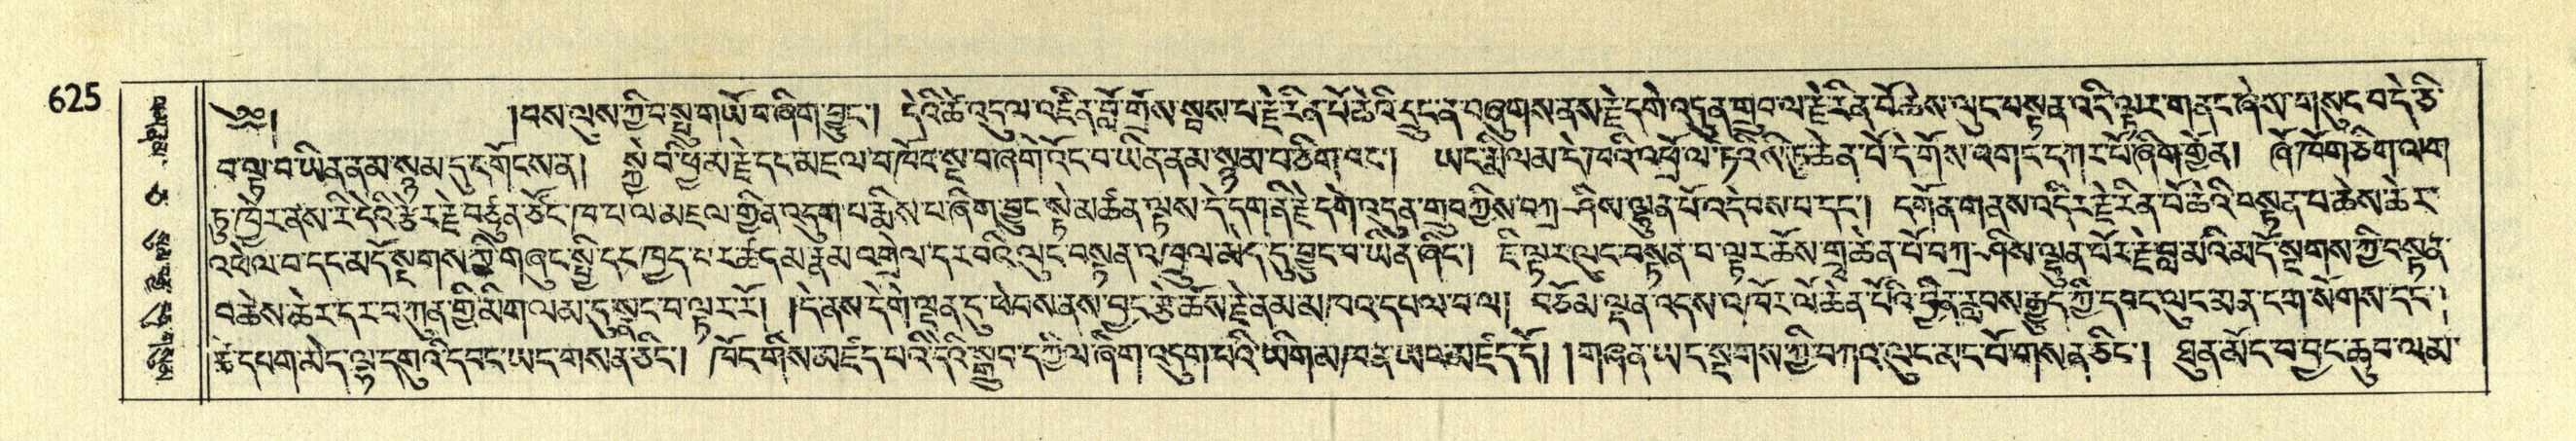༄༅། །བས་ལུས་ཀྱི་བ་སྤུ་གཡོ་བ་ཞིག་བྱུང་། དེའི་ཚེ་འདུལ་འཛིན་བློ་གྲོས་སྦས་པ་རྗེ་རིན་པོ་ཆེའི་དྲུང་ན་བཞུགས་ནས་རྗེ་དགེ་འདུན་གྲུབ་ལ་རྗེ་རིན་བོ་ཆེས་ལུང་བསྟན་འདི་ལྟར་གནང་ཞེས་གསུང་བདེ་ཅི་
བ་ལྟ་བ་ཡིན་ནམ་སྙམ་དུ་དགོངས་ན། སྐྱེ་བ་ཕྱི་མ་རྗེ་དང་མཇལ་བ་ཁོང་སྔ་བ་ཞིག་འོང་བ་ཡིན་ནམ་སྙམ་པ་ཅིག་བང་། ཡང་རྨི་ལམ་དེ་ཁའི་འཕྲོ་ལ་ཏེའི་སི་ཏུ་ཆེན་པོ་དེ་གོས་འགང་དཀར་པོ་ཞིག་གྱོན། ཞོ་ཁོ་གཅིག་ལག་
ཏུ་ཁྱེར་ནས་རི་དེའི་རྩེར་རྗེ་བཙུན་ཙོང་ཁ་པ་ལ་མཇལ་གྱིན་འདུག་པ་རྨིས་པ་ཞིག་བྱུང་སྟེ་མཚན་ལྟས་དེ་དག་ནི་རྗེ་དགེ་འདུན་གྲུབ་ཀྱིས་བཀྲ་ཤིས་ལྷུན་པོ་འདེབས་པ་དང་། དགོན་གནས་འདིར་རྗེ་རིན་པོ་ཆེའི་བསྟན་པ་ཆེས་ཆེར་
འཕེལ་བ་དང་མདོ་སྔགས་ཀྱི་གཞུང་སྤྱི་དང་ཁྱད་པར་ཚད་མ་རྣམ་འགྲེལ་དར་བའི་ལུང་བསྟན་འཁྲུལ་མེད་དུ་བྱུང་བ་ཡིན་ཞིང་། ཇི་ལྟར་ལུང་བསྟན་བ་ལྟར་ཆོས་གྲྭ་ཆེན་པོ་བཀྲ་ཤིས་ལྷུན་པོར་རྗེ་བླ་མའི་མདོ་སྔགས་ཀྱི་བསྟན་
བ་ཆེས་ཆེར་དར་བ་ཀུན་གྱི་མིག་ལམ་དུ་སྣང་བ་ལྟར་རོ། །དེ་ནས་དེ་གེ་ལྡན་དུ་ཕེབས་ནས་བྱང་རྩེ་ཆོས་རྗེ་ནམ་མཁའ་དཔལ་བ་ལ། བཅོམ་ལྡན་འདས་འཁོར་ལོ་ཆེན་པོའི་བྱིན་རླབས་རྒྱུད་ཀྱི་དབང་ལུང་མན་ངག་སོགས་དང་།
ཚེ་དཔག་མེད་ལྷ་དགུའི་དབང་ཡང་གསན་ཅིང་། ཁོང་གིས་མཛད་པའི་དེའི་སྒྲུབ་དཀྱིལ་ཞིག་འདུག་པའི་ཡིག་མཁན་ཡང་མཛད་དོ། །གཞན་ཡང་སྔགས་ཀྱི་བཀའ་ལུང་མང་པོ་གསན་ཅིང་། ཐུན་མོང་བ་བྱང་ཆུབ་ལམ་